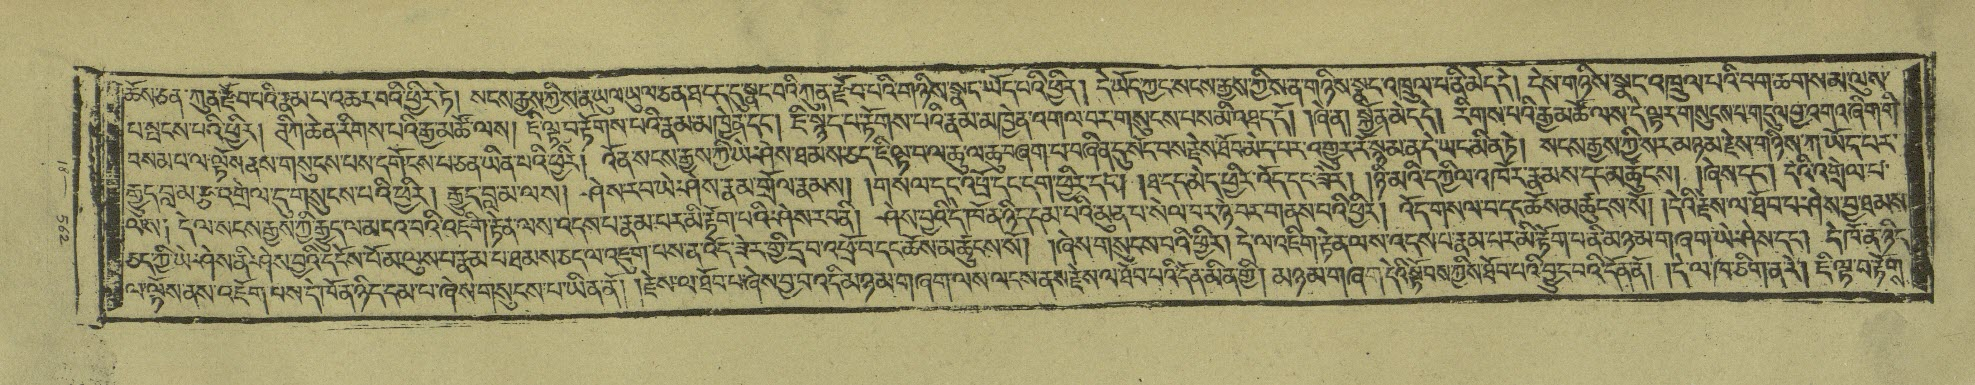ཆོས་ཅན་ཀུན་རྫོབ་པའི་རྣམ་པ་འཆར་བའི་ཕྱིར་ཏེ། སངས་རྒྱས་ཀྱི་ས་ན་ཡུལ་ཡུལ་ཅན་ཐ་དད་དུ་སྣང་བའི་ཀུན་རྫོབ་པའི་གཉིས་སྣང་ཡོད་པའི་ཕྱིར། དེ་ཡོད་ཀྱང་སངས་རྒྱས་ཀྱི་ས་ན་གཉིས་སྣང་འཁྲུལ་པ་ནི་མེད་དེ། དེས་གཉིས་སྣང་འཁྲུལ་པའི་བག་ཆགས་མ་ལུས་
པ་སྤངས་པའི་ཕྱིར། ཊིཀ་ཆེན་རིགས་པའི་རྒྱ་མཚོ་ལས། ཇི་ལྟ་བ་རྟོགས་པའི་རྣམ་མཁྱེན་དང་། ཇི་སྙེད་པ་རྟོགས་པའི་རྣམ་མཁྱེན་འགལ་བར་གསུངས་པས་མི་འཐད་དོ། །ཞེ་ན། སྐྱོན་མེད་དེ། རིགས་པའི་རྒྱ་མཚོ་ལས་དེ་ལྟར་གསུངས་པ་གདུལ་བྱ་འགའ་ཞིག་གི་
བསམ་པ་ལ་ལྟོས་ནས་གསུངས་པས་དགོངས་པ་ཅན་ཡིན་པའི་ཕྱིར། འོ་ན་སངས་རྒྱས་ཀྱི་ཡེ་ཤེས་ཐམས་ཅད་ཇི་ལྟ་བ་ལ་ཆུ་ལ་ཆུ་བཞག་པ་བཞིན་དུ་སོང་བས་རྗེས་ཐོབ་མེད་པར་འགྱུར་རོ་སྙམ་ན་དེ་ཡང་མིན་ཏེ། སངས་རྒྱས་ཀྱི་སར་མཉམ་རྗེས་གཉིས་ཀ་ཡོད་པར་
རྒྱུད་བླ་མ་རྩ་འགྲེལ་དུ་གསུངས་པའི་ཕྱིར། རྒྱུད་བླ་མ་ལས། ཤེས་རབ་ཡེ་ཤེས་རྣམ་གྲོལ་རྣམས། །གསལ་དང་འཕྲོ་དང་དག་ཕྱིར་དང་། །ཐ་དད་མེད་ཕྱིར་འོད་དང་ཟེར། །ཉི་མའི་དཀྱིལ་འཁོར་རྣམས་དང་མཚུངས། །ཞེས་དང་། དེའི་འགྲེལ་པ་
ལས། དེ་ལ་སངས་རྒྱས་ཀྱི་རྒྱུད་ལ་མངའ་བའི་འཇིག་རྟེན་ལས་འདས་པ་རྣམ་པར་མི་རྟོག་པའི་ཤེས་རབ་ནི། ཤེས་བྱའི་དེ་ཁོ་ན་ཉིད་དམ་པའི་མུན་པ་སེལ་བར་ཉེ་བར་གནས་པའི་ཕྱིར། འོད་གསལ་བ་དང་ཆོས་མཚུངས་སོ། །དེའི་རྗེས་ལ་ཐོབ་པ་ཤེས་བྱ་ཐམས་
ཕ༹ཅད་ཀྱི་ཡེ་ཤེས་ནི་ཤེས་བྱའི་དངོས་པོ་མ་ལུས་པ་རྣམ་པ་ཐམས་ཅད་ལ་འཇུག་པས་ན་འོད་ཟེར་གྱི་དྲ་བ་འཕྲོ་བ་དང་ཆོས་མཚུངས་སོ། །ཞེས་གསུངས་པའི་ཕྱིར། དེ་ལ་འཇིག་རྟེན་ལས་འདས་པ་རྣམ་པར་མི་རྟོག་པ་ནི་མཉམ་གཞག་ཡེ་ཤེས་དང་། དེ་ཁོ་ན་ཉིད་
ལ་ལྟོས་ནས་འཇོག་པས་དེ་ཁོ་ན་ཉིད་དམ་པ་ཞེས་གསུངས་པ་ཡིན་ནོ། །རྗེས་ལ་ཐོབ་པ་ཞེས་བྱ་བ་འདི་མཉམ་གཞག་ལས་ལངས་ནས་རྗེས་ལ་ཐོབ་པའི་དོན་མིན་གྱི། མཉམ་གཞག་དེའི་སྟོབས་ཀྱིས་ཐོབ་པའི་བྱུང་བའི་དོན་ནོ། །དེ་ལ་ཁ་ཅིག་ན་རེ། ཇི་ལྟ་བ་རྟོགས་